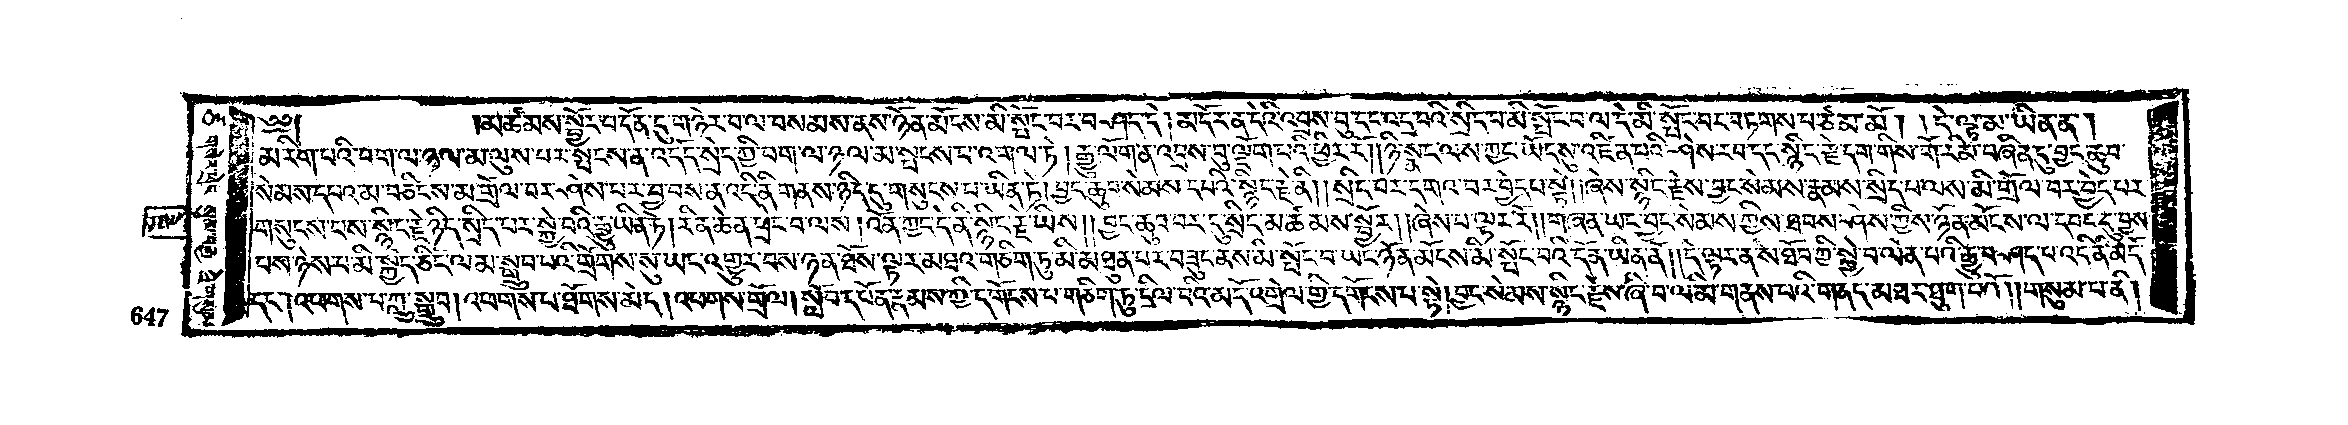༄༅། །མཚམས་སྦྱོར་བ་དོན་དུ་གཉེར་བ་ལ་བསམས་ནས་ཉོན་མོངས་མི་སྤོང་བར་བཤད་དེ། མདོར་ན་དེའི་འབྲས་བུ་དང་འདྲ་བའི་སྲིད་པ་མི་སྤོང་བ་ལ་དེ་མི་སྤོང་བར་བཏགས་པ་ཙམ་མོ། །དེ་ལྟ་མ་ཡིན་ན།
མ་རིག་པའི་བག་ལ་ཉལ་མ་ལུས་པར་སྤངས་ན་འདོད་སྲེད་ཀྱི་བག་ལ་ཉལ་མ་སྤངས་པ་འགལ་ཏེ། རྒྱུ་ལོག་ན་འབྲས་བུ་ལྡོག་པའི་ཕྱིར་རོ། །ཉི་སྣང་ལས་ཀྱང་ཡོངས་སུ་འཛིན་པའི་ཤེས་རབ་དང་སྙིང་རྗེ་དག་གིས་གོ་རིམ་བཞིན་དུ་བྱང་ཆུབ་
སེམས་དཔའ་མ་བཅིངས་མ་གྲོལ་བར་ཤེས་པར་བྱ་བས་ན་འདི་ནི་གནས་ཉིད་དུ་གསུངས་པ་ཡིན་ཏེ། བྱང་ཆུབ་སེམས་དཔའི་སྙིང་རྗེ་ནི། །སྲིད་པར་དགའ་བར་བྱེད་པ་སྟེ། །ཞེས་སྙིང་རྗེས་བྱང་སེམས་རྣམས་སྲིད་པ་ལས་མི་གྲོལ་བར་བྱེད་པར་
གསུངས་པས་སྙིང་རྗེ་ཉིད་སྲིད་པར་སྐྱེ་བའི་རྒྱུ་ཡིན་ཏེ། རིན་ཆེན་ཕྲེང་བ་ལས། འོན་ཀྱང་དེ་ནི་སྙིང་རྗེ་ཡིས། །བྱང་ཆུབ་བར་དུ་སྲིད་མཚམས་སྦྱོར། །ཞེས་པ་ལྟར་རོ། །གཞན་ཡང་བྱང་སེམས་ཀྱིས་ཐབས་ཤེས་ཀྱིས་ཉོན་མོངས་ལ་དབང་དུ་བྱས་
པས་ཉེས་པ་མི་སྐྱོད་ཅིང་ལམ་སྒྲུབ་པའི་གྲོགས་སུ་ཡང་འགྱུར་བས་ཉན་ཐོས་ལྟར་མཐའ་གཅིག་ཏུ་མི་མཐུན་པར་བཟུང་ནས་མི་སྤོང་བ་ཡང་ཉོན་མོངས་མི་སྤོང་བའི་དོན་ཡིན་ནོ། །དེ་ལྟར་ན་ས་ཐོབ་ཀྱི་སྐྱེ་བ་ལེན་པའི་རྒྱུ་བཤད་པ་འདི་ནི་མདོ་
དང་། འཕགས་པ་ཀླུ་སྒྲུབ། འཕགས་པ་ཐོགས་མེད། འཕགས་གྲོལ། སློབ་དཔོན་རྣམས་ཀྱི་དགོངས་པ་གཅིག་ཏུ་དྲིལ་བའི་མདོ་འགྲེལ་གྱི་དགོངས་པ་སྟེ། བྱང་སེམས་སྙིང་རྗེ་ཞི་བ་ལ་མི་གནས་པའི་གནད་མཐར་ཐུག་པའོ། །གསུམ་པ་ནི།